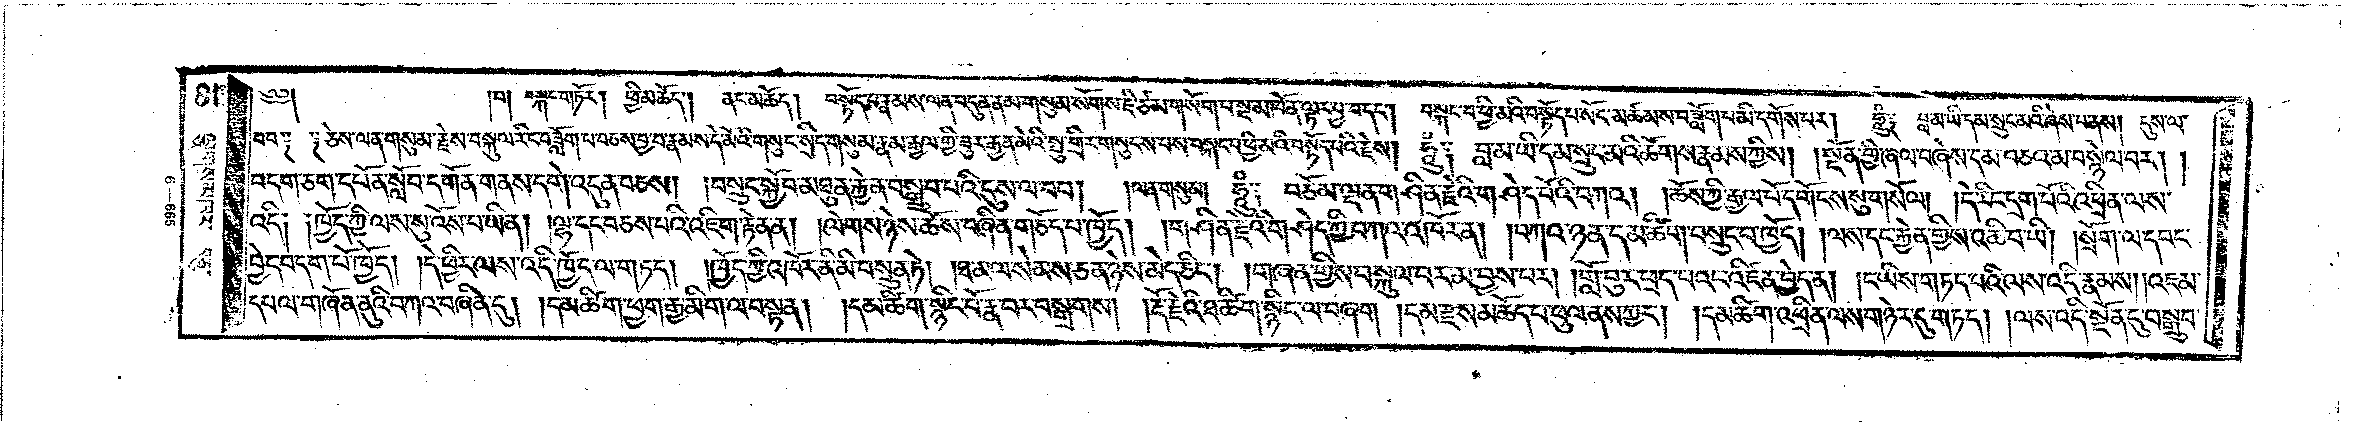༄༅། །བ། བསྐང་གཏོར། ཕྱི་མཆོད། ནང་མཆོད། བསྟོད་པ་རྣམས་ལན་བདུན་ནམ་གསུམ་སོགས་ཇི་ཙམ་གསོག་པ་སྔ་མཁོ་ན་ལྟར་བྱ་བ་དང་། བསྐང་བ་ཕྱི་མའི་བསྟོད་པ་སོང་མཚམས་བཟློག་པ་མི་དགོས་པར། ཧཱུཾ༑ བླ་མ་ཡི་དམ་སྲུང་མའི་ཞེས་པ་ནས། དུས་ལ་
བབ༑ ༑ཅེས་ལན་གསུམ་རྗེས་བསྐུལ་རིང་བཟློག་པ་བཅས་བྱ་བ་རྣམས་དེ་མོའི་གསུང་སྲིད་གསུམ་རྣམ་རྒྱལ་གྱི་ཟུར་རྒྱན་མེའི་སྤུ་གྲིར་གསུངས་པས་བསྐང་བ་ཕྱི་མའི་བསྟོད་པའི་རྗེས། ཧཱུཾ༑ བླ་མ་ཡི་དམ་སྲུང་མའི་ཚོགས་རྣམས་ཀྱིས། །སྔོན་གྱི་ཞལ་བཞེས་དམ་བཅའ་མ་བསྙེལ་བར། །
བདག་ཅག་དཔོན་སློབ་དགོན་གནས་དགེ་འདུན་བཅས། །བསྲུང་སྐྱོབ་མཐུན་རྐྱེན་བསྒྲུབ་པའི་དུས་ལ་བབ། །ལན་གསུམ། ཧཱུཾ༑ བཅོམ་ལྡན་གཤིན་རྗེའི་གཤེད་པོའི་བཀའ། །ཆོས་ཀྱི་རྒྱལ་པོ་དགོངས་སུ་གསོལ། །དེ་རིང་དྲག་པོའི་འཕྲིན་ལས་
འདི༑ ༑ཁྱོད་ཀྱི་ལས་སུ་འོས་པ་ཡིན། །ལྷ་དང་བཅས་པའི་འཇིག་རྟེན་ན། །ལེགས་ཉེར་ཆོས་བཞིན་གཅོད་པ་ཁྱོད། །གཤིན་རྗེའི་གཤེད་ཀྱི་བཀའ་འཁོར་ན། །བཀའ་ཉན་དམ་ཚིག་བསྲུང་བ་ཁྱོད། །ལས་དང་རྐྱེན་གྱིས་འཆི་བ་ཡི། །སྲོག་ལ་དབང་
བྱེད་བདག་པོ་ཁྱོད། །དེ་ཕྱིར་ལས་འདི་ཁྱོད་ལ་གཏད། །ཁྱོད་ཀྱི་འཁོར་ནི་མི་བསྲུང་ཏེ། །ཐ་མལ་སེམས་ཅན་ཉེས་མེད་ཅིང་། །གཞན་གྱིས་བསྐུལ་བར་མ་བྱས་པར། །གློ་བུར་ཕྲད་པའང་འཛིན་བྱེད་ན། །ང་ཡིས་གཏད་པའི་ལས་འདི་རྣམས། །འཇམ་
དཔལ་གཞོན་ནུའི་བཀའ་བཞིན་དུ། །དམ་ཚིག་ཕྱག་རྒྱ་མིག་ལ་བསྟན། །དམ་ཚིག་སྙིང་པོ་རྣ་བར་བསྒྲགས། །རྡོ་རྗེའི་ཐ་ཚིག་སྙིང་ལ་བཞག །དམ་རྫས་མཆོད་པ་ཕུལ་ནས་ཀྱང་། །དམ་ཚིག་འཕྲིན་ལས་གཉེར་དུ་གཏད། །ལས་འི་སྔོན་ཨུ་བསྒྲུབ་